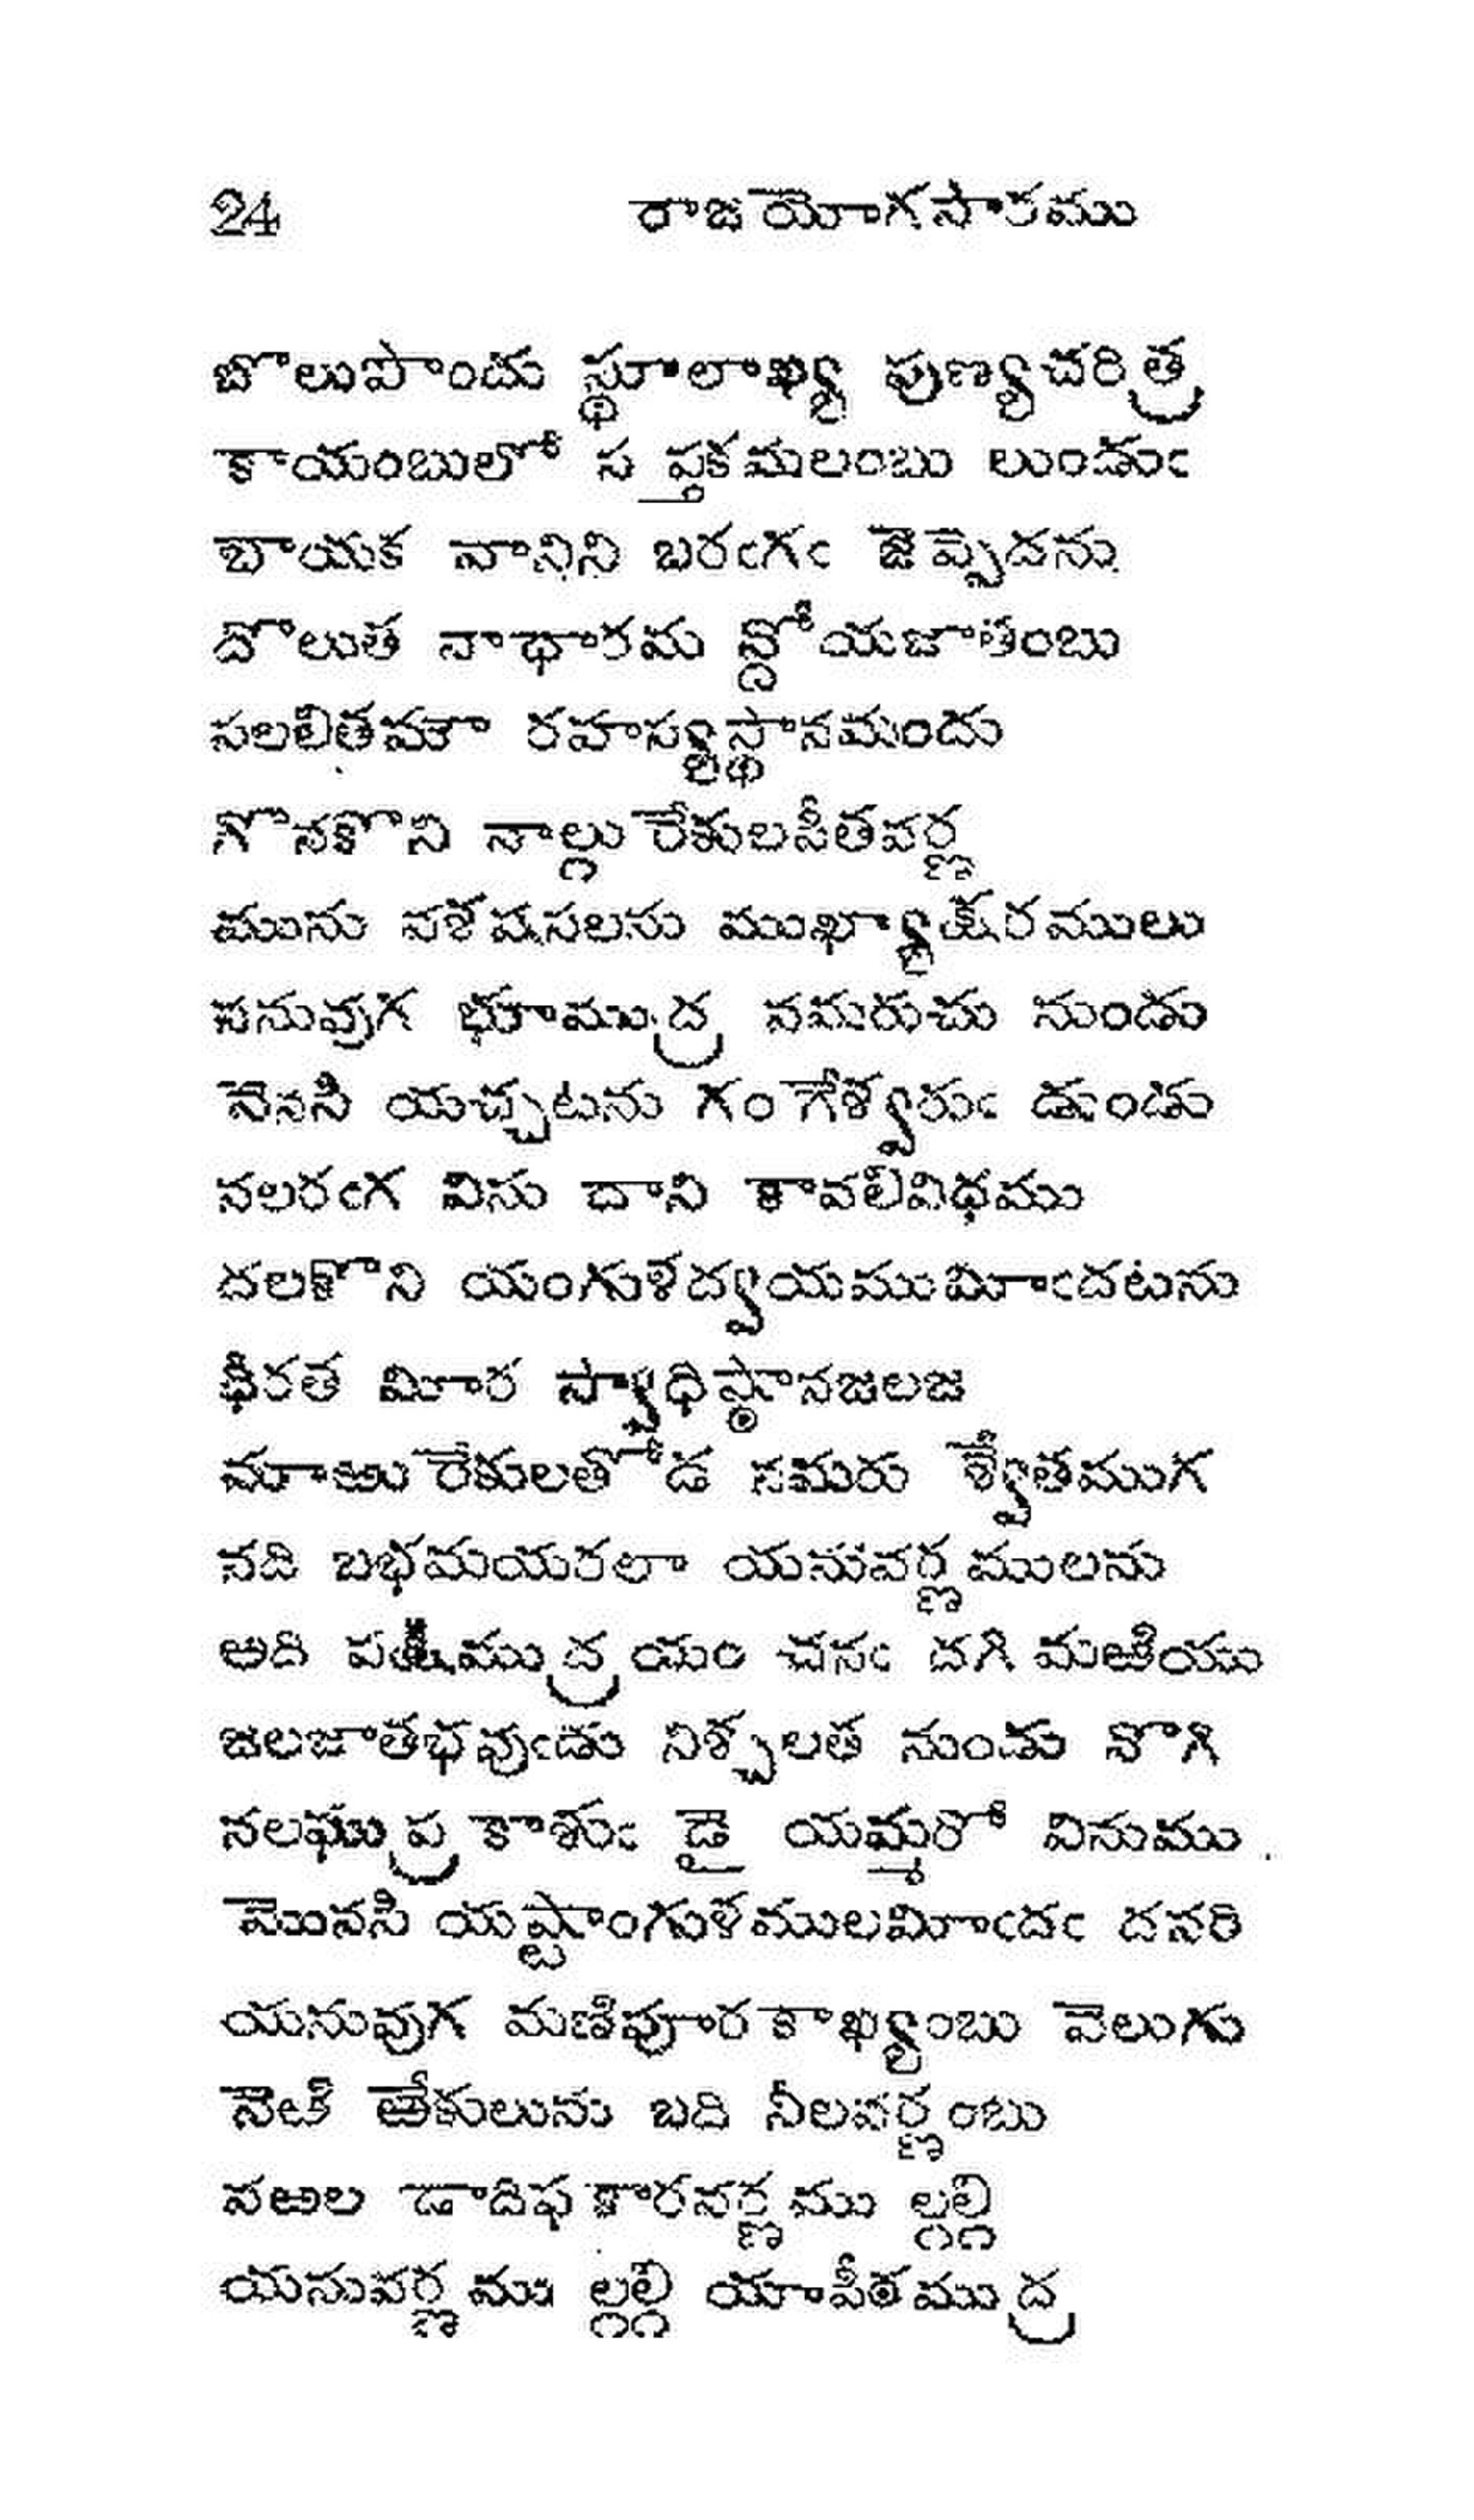బొలుపొందు స్థూలాఖ్య పుణ్యచరిత్ర
కాయంబులో సప్తకమలంబు లుండుఁ
బాయక వానిని బరఁగఁ జెప్పెదను
దొలుత నాధారమ న్దోయజాతంబు
సలలితమౌ రహస్యస్థానమందు
గొనకొని నాల్గురేకులపీతవర్ణ
మును వశషసలను ముఖ్యాక్షరములు
ననువుగ భూముద్ర నమరుచు నుండు
నెనసి యచ్చటను గంగేశ్వరుఁ డుండు
నలరఁగ విను దాని కావలివిధము
దలకొని యంగుళద్వయముమీఁదటను
ధీరత మీర స్వాధిస్ఠానజలజ
నూఱురేకులతోడ నమరు శ్వేతముగ
నది బభమయరలా యనువర్ణములను
అది పక్షిముద్రయం చనఁ దగి మఱియు
జలజాతభవుఁడు నిశ్చలత నుండు నొగి
నలఘుప్రకాశుఁ డై యమ్మరో వినుము 
మొనసి యష్టాంగుళములమీఁదఁ దనరి
యనువుగ మణిపూరకాఖ్యంబు వెలుగు
నెఱి ఱేకులును బది నీలవర్ణంబు
వఱల డాదిఫకారవర్ణము ల్గల్గి 
యనువర్ణము ల్గల్గి యాపీఠముద్ర